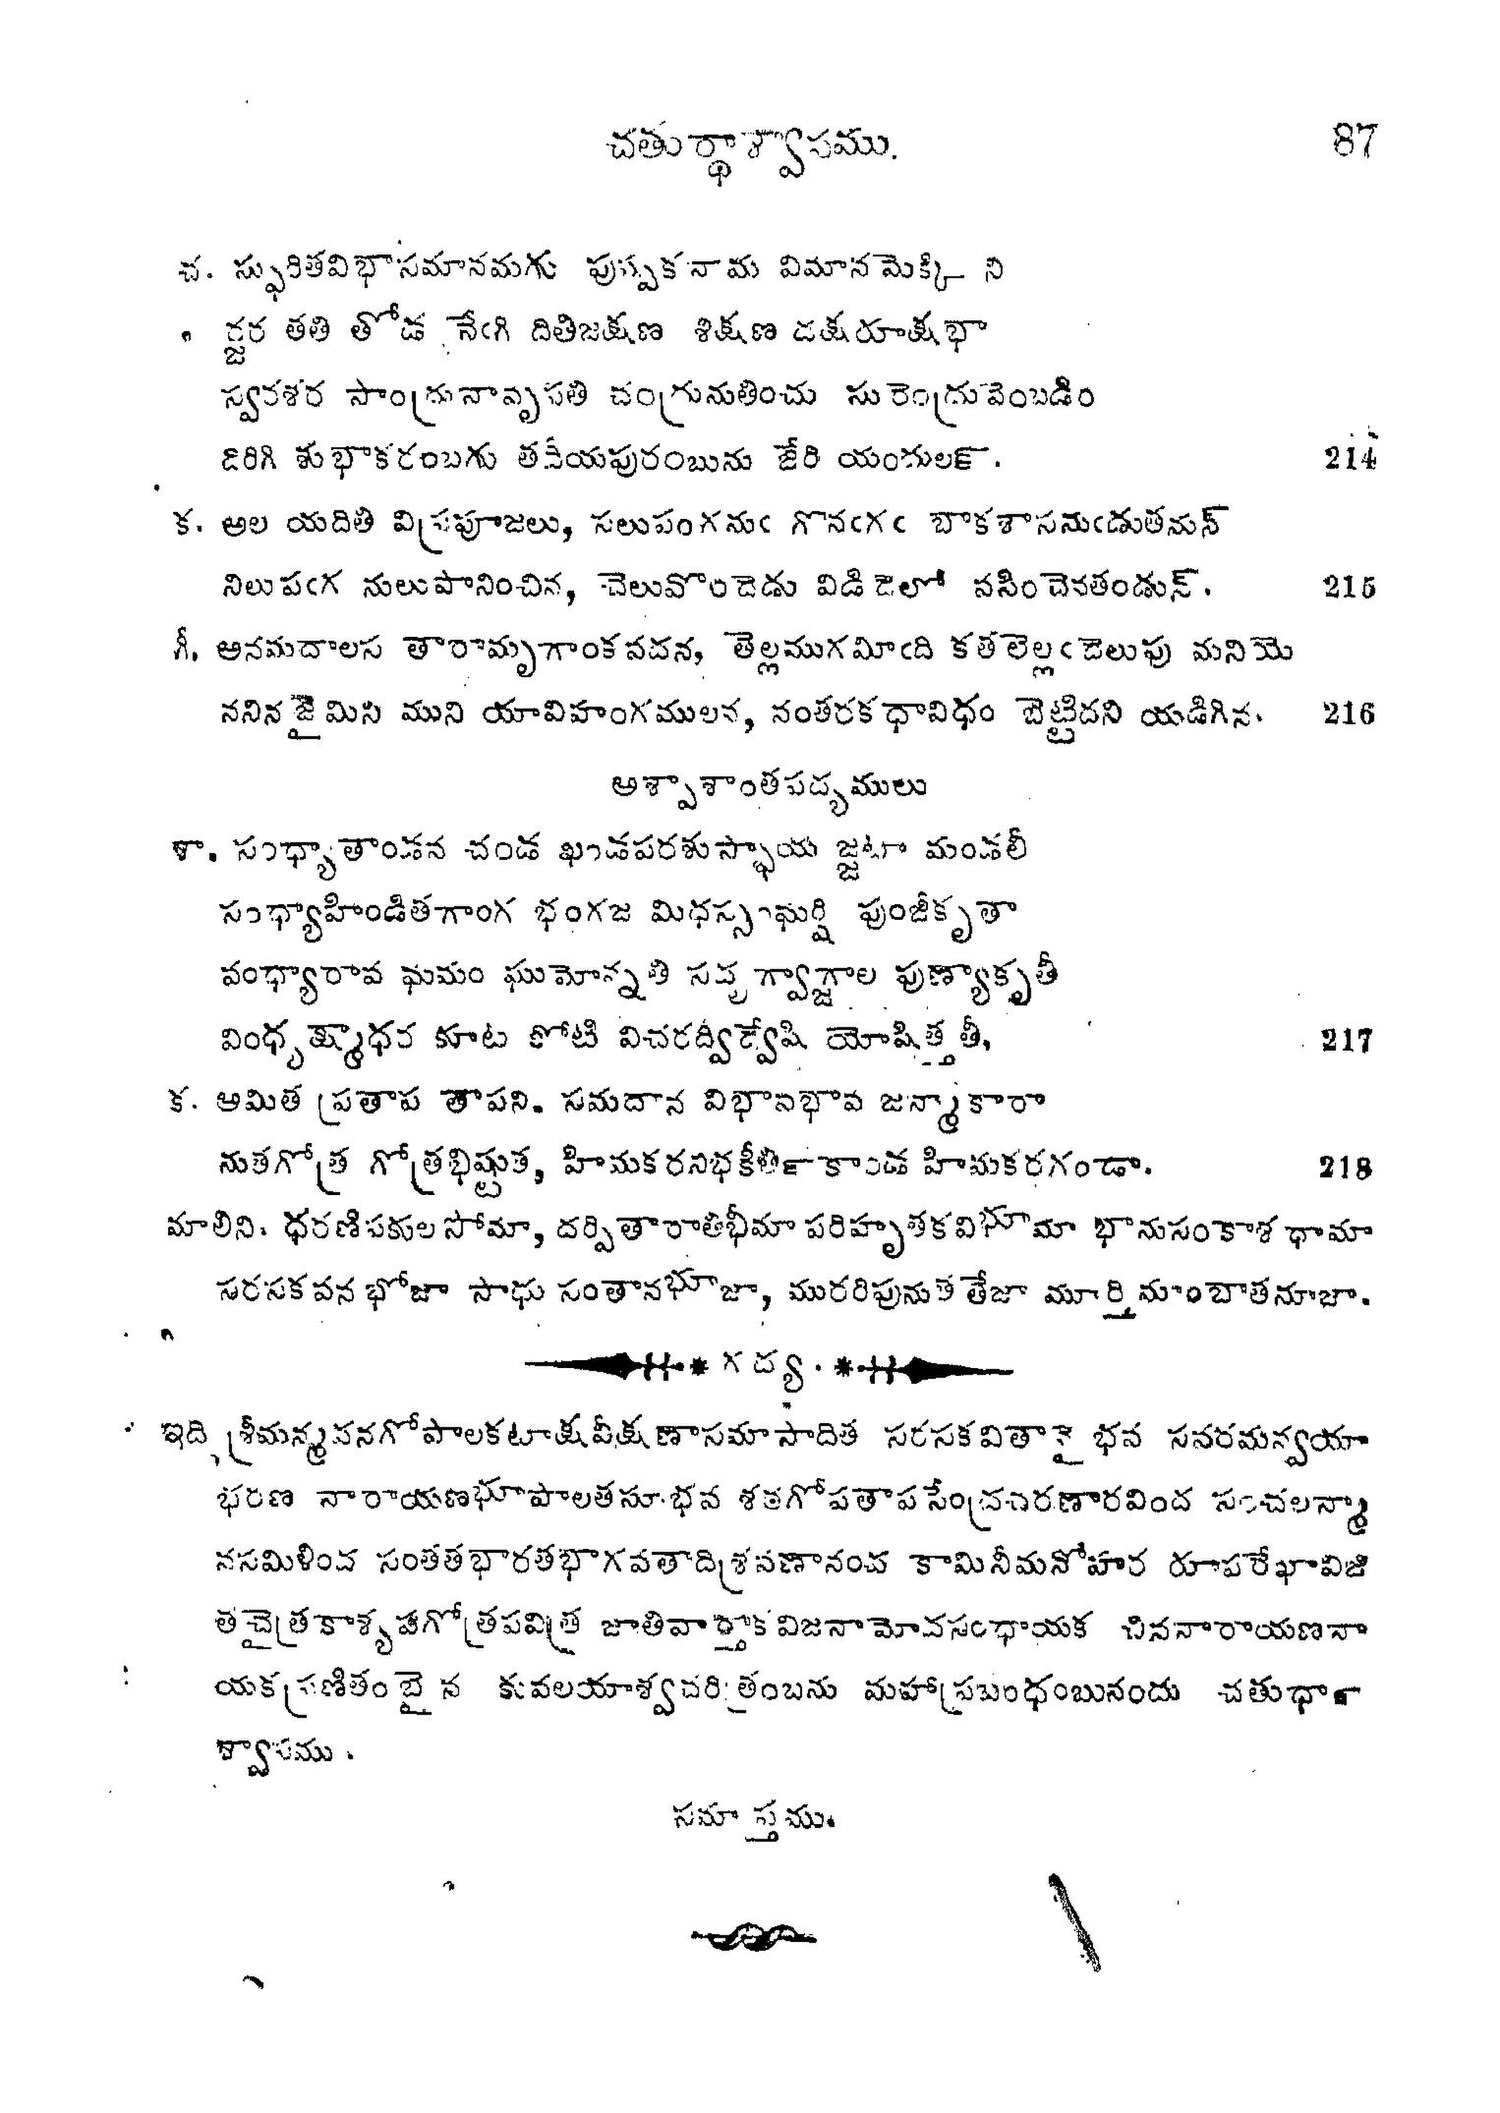చ. స్ఫురితవిభాసమానమగు పుష్పకనామ విమాన మెక్కి ని
ర్జరతతి తోడ నేఁగి దితిజక్షణశిక్షణదక్షరూక్షభా
స్వరశరసాంద్రు నానృపతిచంద్రు నుతించు సురెంద్రువెంబడిం
దిరిగి శుభాకరంబగు తదీయపురంబును జేరి యందులన్.
క. అల యదితి విప్రపూజలు, సలుపంగనుఁ గొనఁగఁ బాకశాసనుఁడు తనున్
నిలుపఁగ నులుపనించిన, చెలువొందెడు విడిదెలో వసించె నతండున్.
గీ. అన మదాలస తారామృగాంకవదన, తెల్లముగ మీఁదికతలెల్లఁ దెలుపుమనియె
ననిన జైమిని ముని యావిహంగములన, నంతరకథావిధం బెట్టిదని యడిగిన.
ఆశ్వాసాంతపద్యములు
శా. సంధ్యాతాండవచండఖండపరశుస్ఫాయజ్జటామండలీ
సంధ్యాహిండితగాంగభంగజ మిధస్సంఘర్షి పుంజీకృతా
వంధ్యారావ ఘమం ఘుమోన్నతి సదృగ్వాగ్జాల పుణ్యాకృతీ
వింధ్యక్ష్మాధర కూట గోటి విచరద్వీద్వేషి యోషిత్తతీ.
క. అమితప్రతాప తాపని, సమదానవిభాసభావజన్మాకారా
నుతగోత్ర గోత్రభిష్టుక, హిమకరనిభకీర్తికాండ హిమకరగండా.
మాలిని, ధరణిపకులసోమా, దర్పితారాతిభీమా పరిహృతకవిభూమా భానుసంకాశధామా
సరసకవనభోజా సాధుసంతానభూజా, మురరిపునుతతేజా మూర్తిమాంబాతనూజా.

ఇది శ్రీమన్మదనగోపాలకటాక్షవీక్షణాసమాసాదిత సరసకవితావైభవ సవరమన్వయా
భరణ నారాయణభూపాలతనూభవ శఠగోపతాపసేంద్రచరణారవింద సంచలన్మా
నసమిళింద సంతతభారతభాగవతాదిశ్రవణానంద కామినీమనోహర రూపరేఖావిజి
తచైత్ర కాశ్యపగోత్రపవిత్ర జాతివార్తాకవిజనామోదసంధాయక చిననారాయణనా
యకప్రణీతంబైన కువలయాశ్వచరిత్రంబను మహాప్రబంధంబునందు చతుర్థా
శ్వాసము